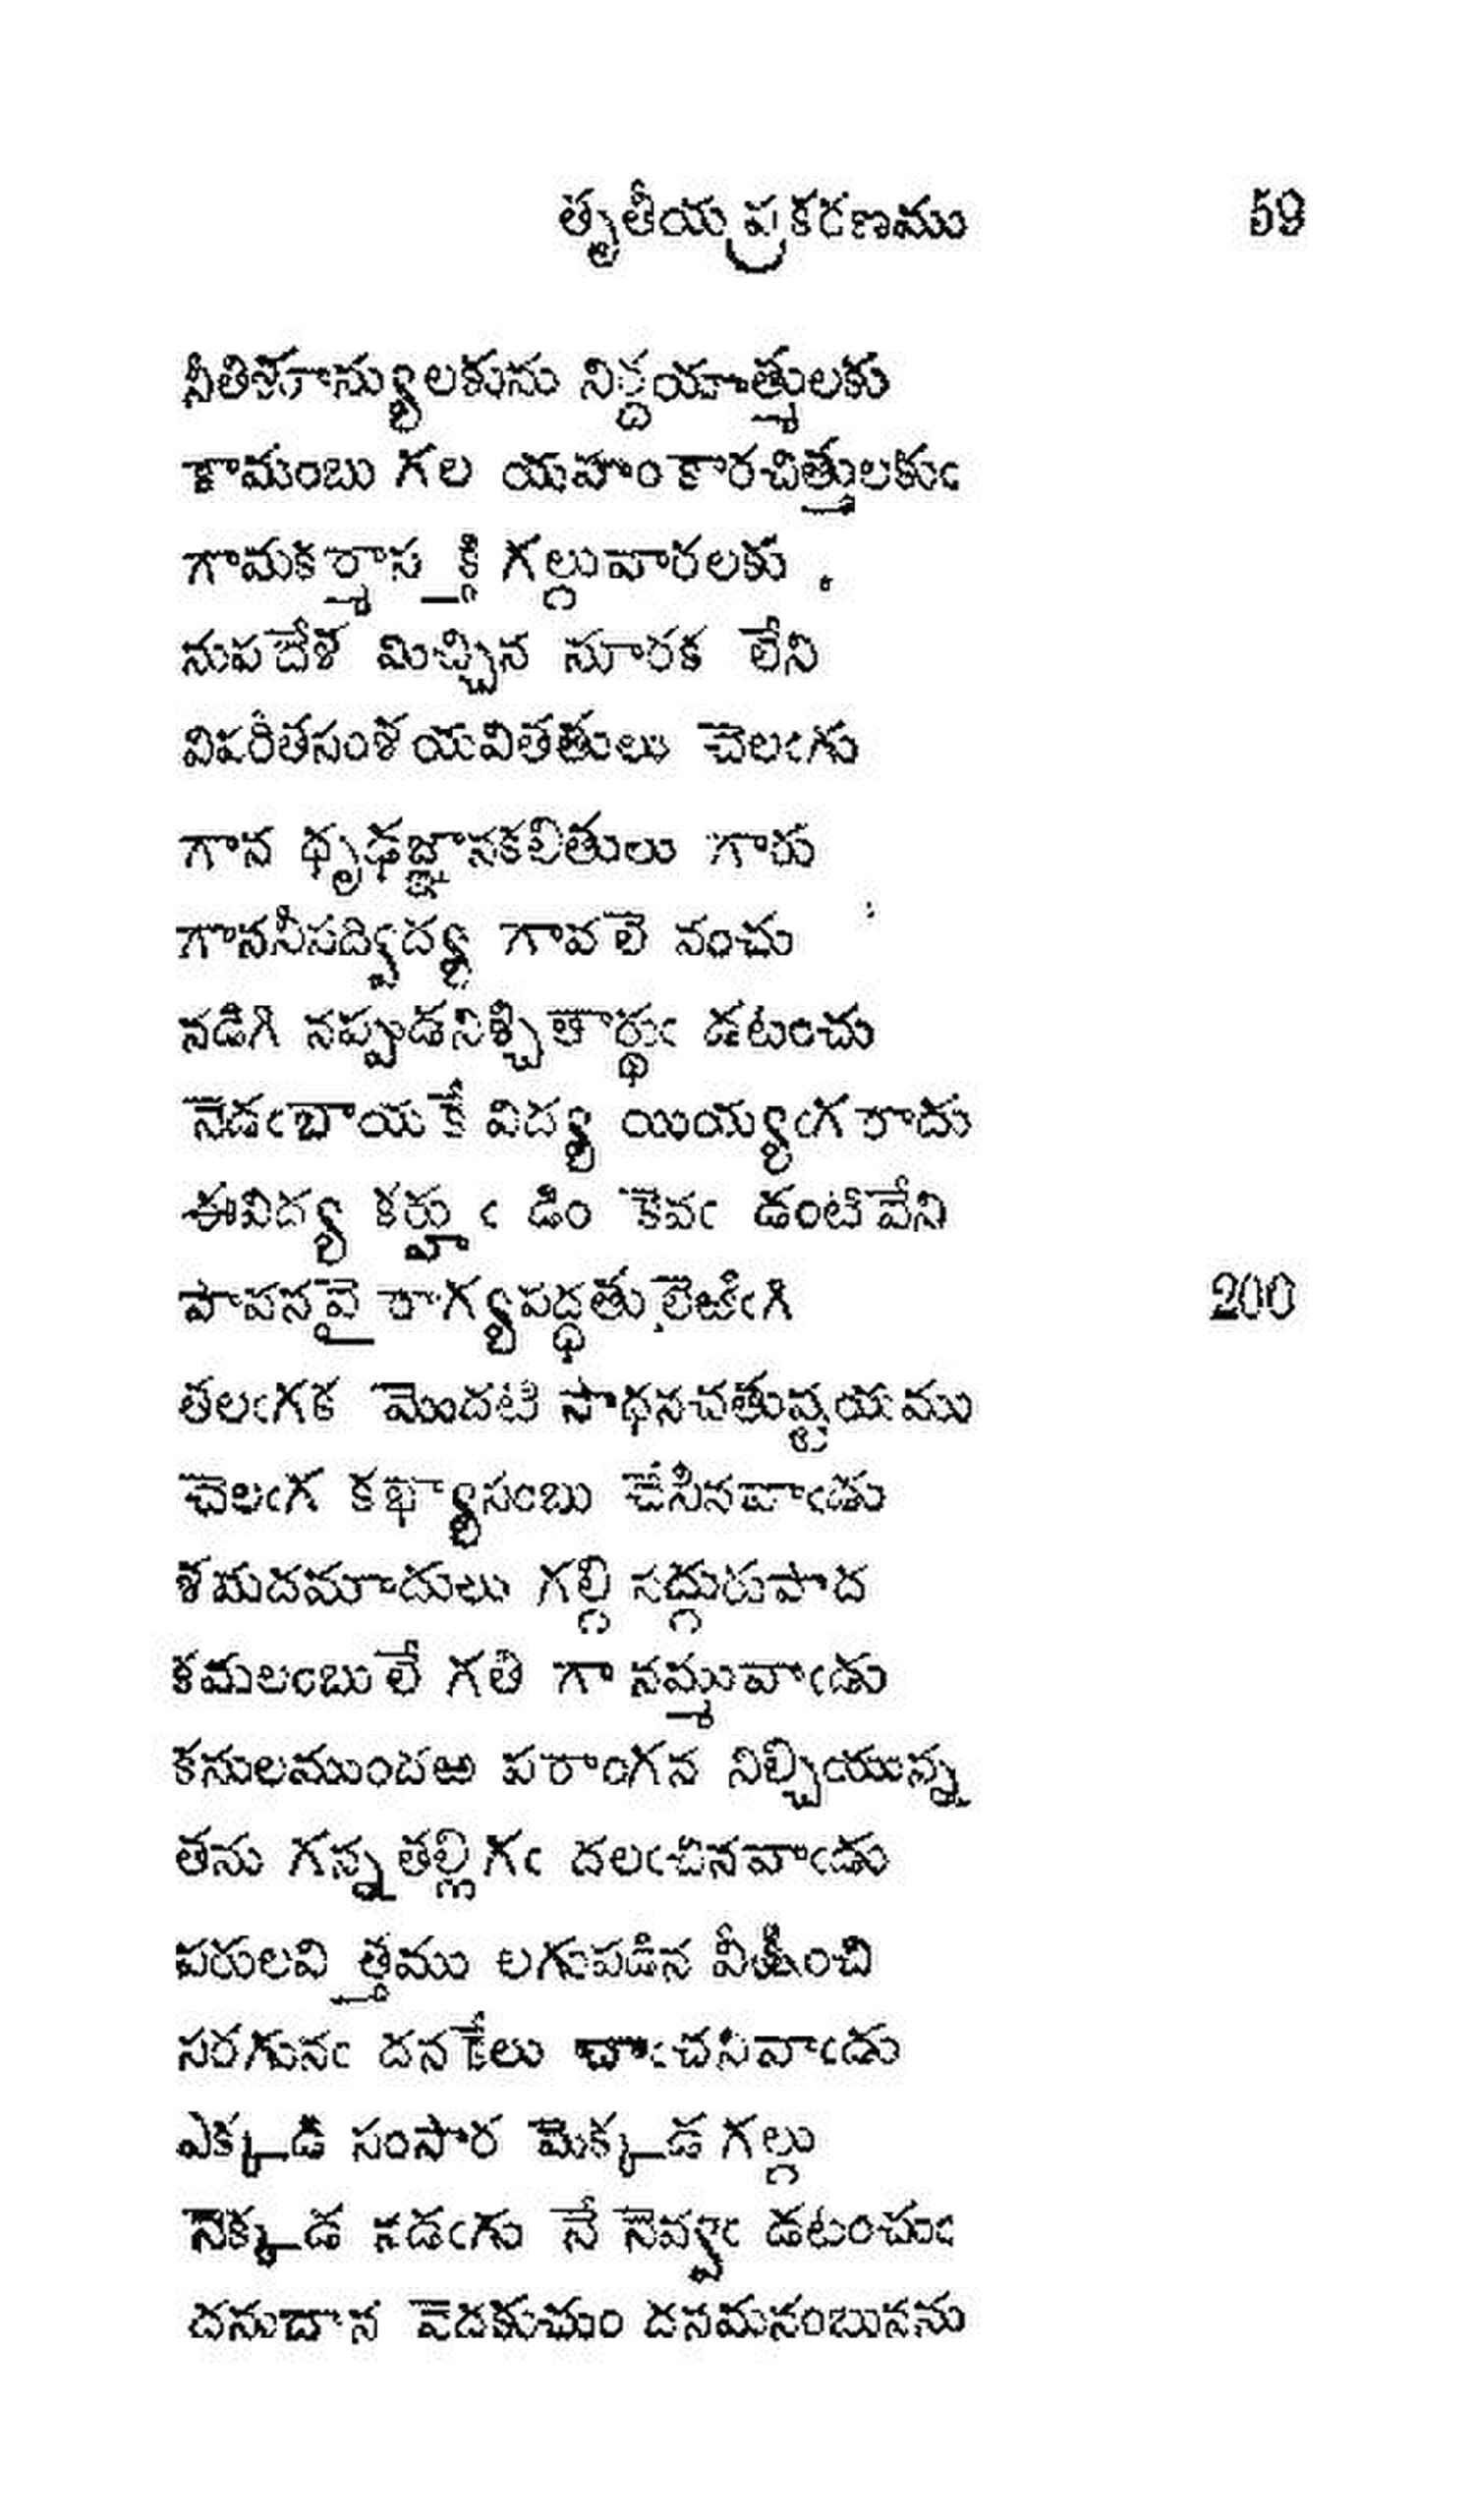నీతిశూన్యులకును నిర్దయాత్ములకు
కామంబు గల యహంకారచిత్తులకు
గామకర్మాసక్తి గల్గువారలకు
నుపదేశ మిచ్చిన నూరక లేని
విపరీతసంశయవితతులు చెలఁగు
గాన ధృఢజ్ఞానకలితులు గారు
గాననీసద్విద్య గావలె నంచు
నడిగి నప్పు డనిశ్చితార్థుఁ డటంచు
నెడఁబాయకే విద్య యియ్యఁగరాదు
ఈవిద్య కర్హుఁ డిం కెవఁ డంటివేని
పావనవైరాగ్యపద్ధతు లెఱిఁగి 
తలఁగక మొదటిసాధనచతుష్టయము
చెలఁగ కభ్యాసంబు చేసినవాఁడు
శమదమాదులు గల్గి సద్గురుపాద
కమలంబులే గతి గా నమ్మువాఁడు
కనులముందఱ పరాంగన నిల్చియున్న
తను గన్నతల్లిగఁ దలఁచినవాఁడు
పరులవిత్తము లగుపడిన వీక్షించి
సరగునఁ దనకేలు చాఁచనివాఁడు
ఎక్కడి సంసార మెక్కడ గల్గు
నెక్కడ నడఁగు నే నెవ్వఁ డటంచు
దనుదాన వెదకుచుం దనమనంబునను